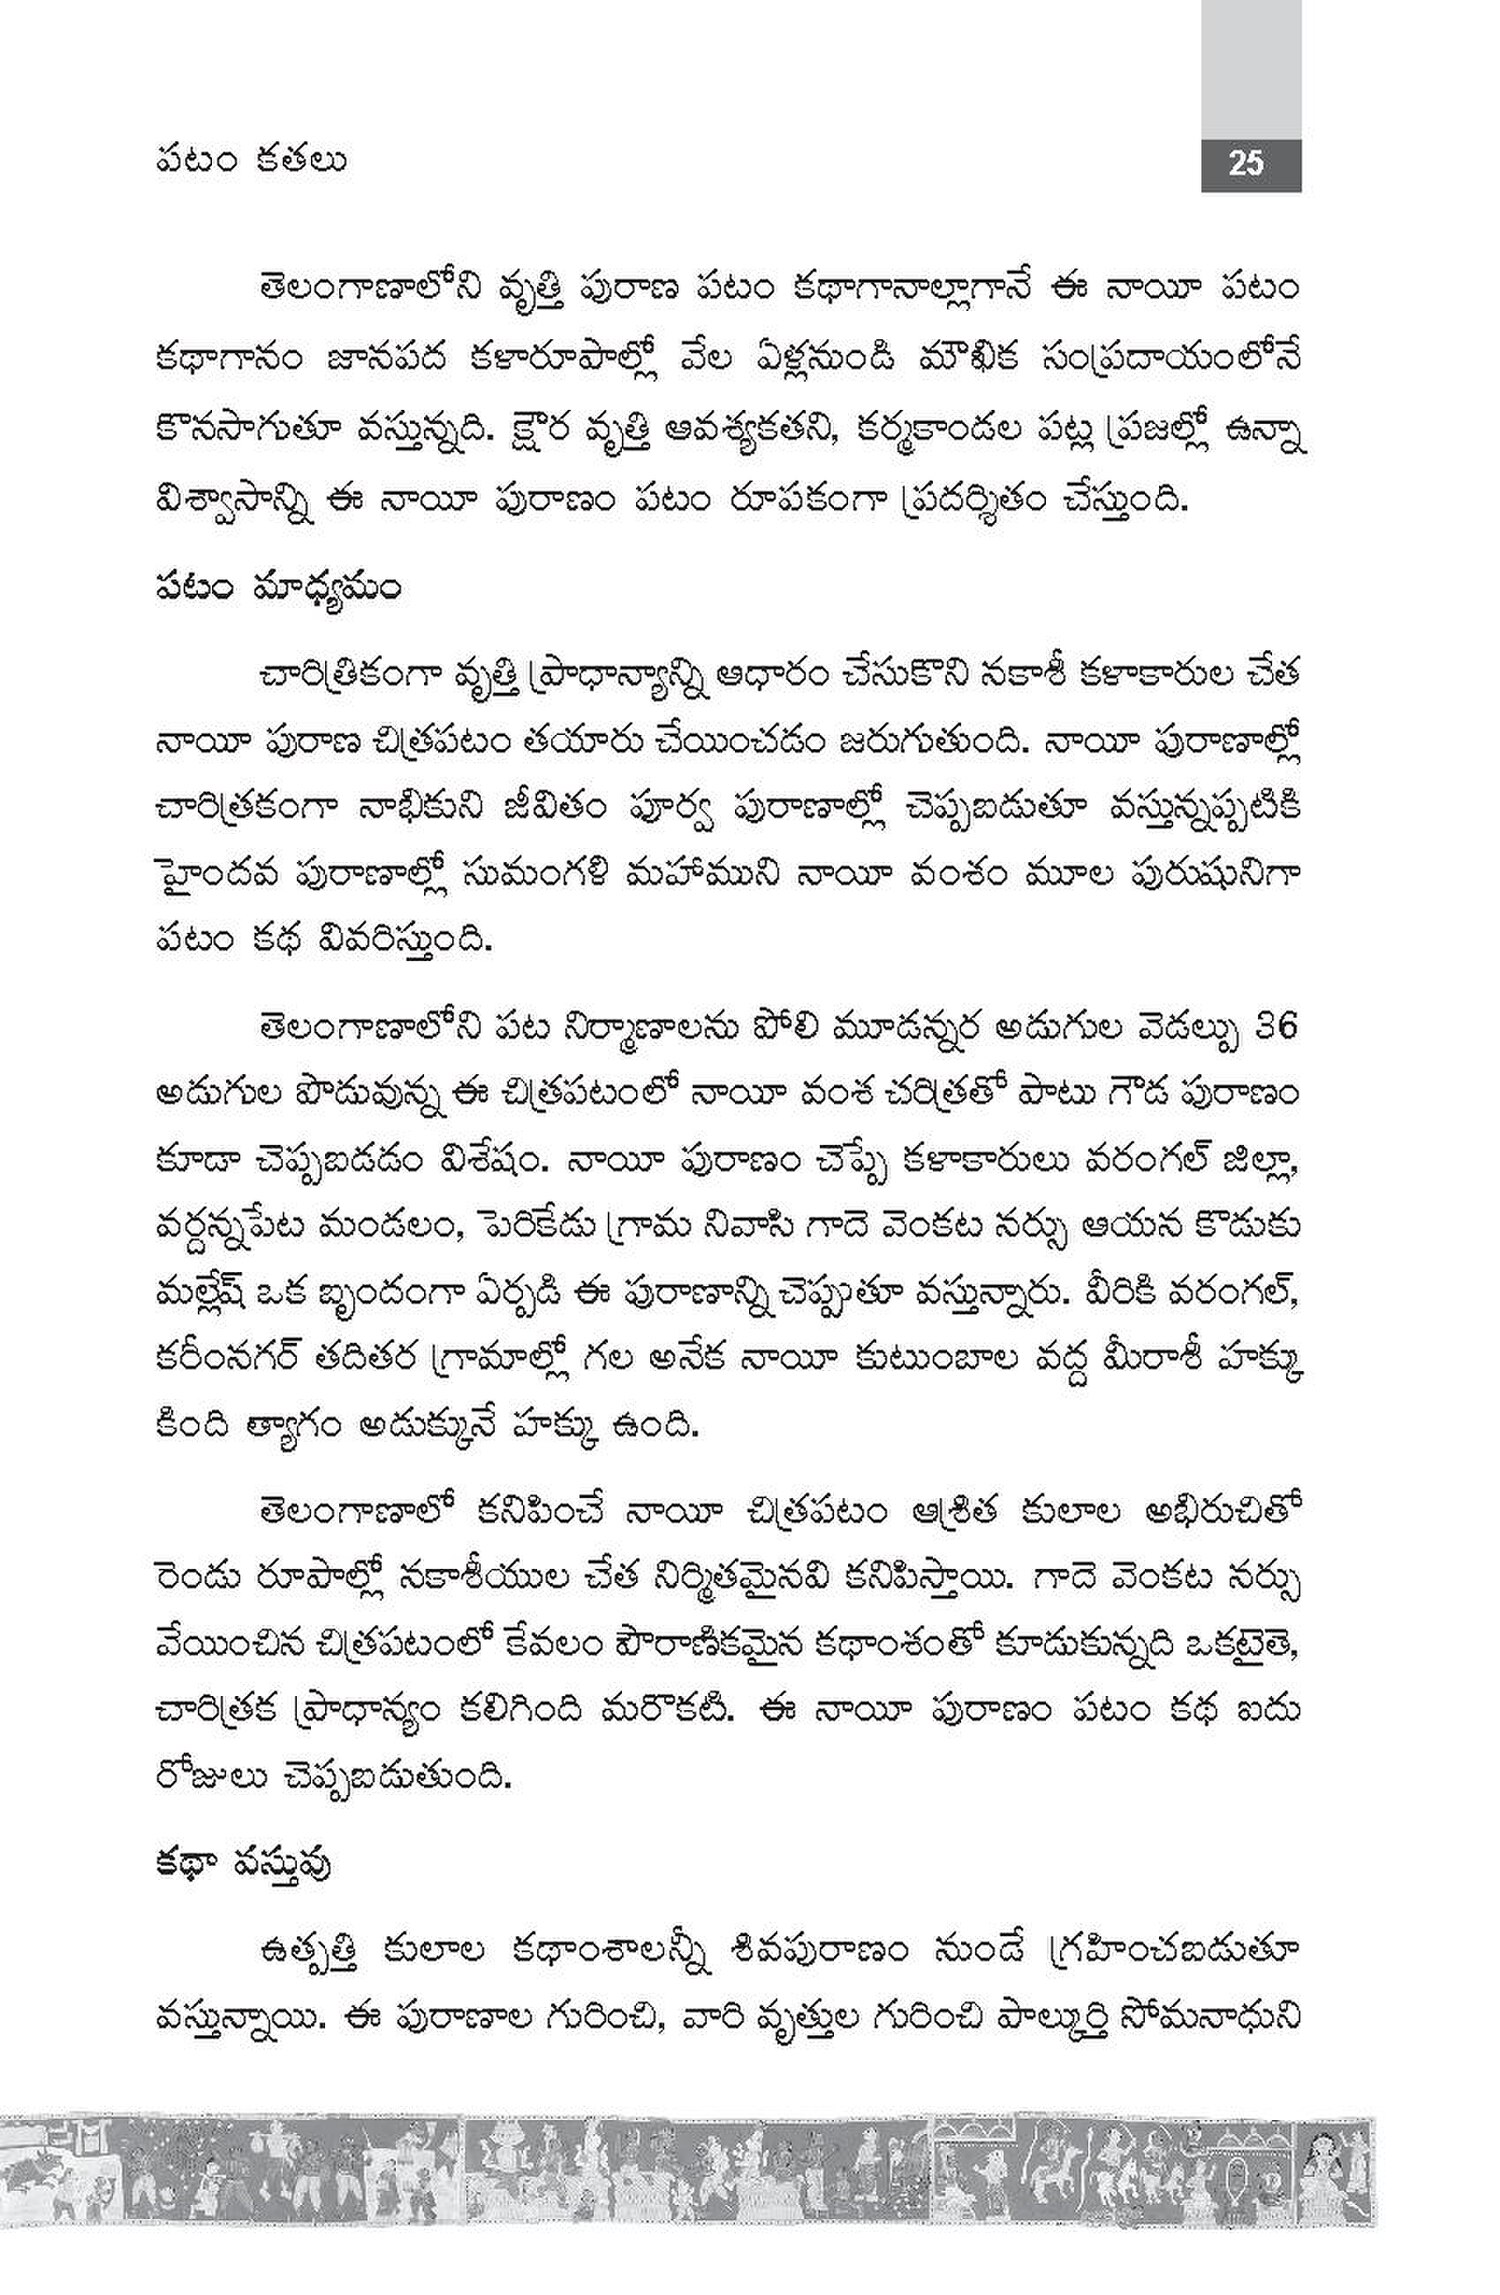తెలంగాణాలోని వృత్తి పురాణ పటం కథాగానాల్లాగానే ఈ నాయీ పటం కథాగానం జానపద కళారూపాల్లో వేల ఏళ్లనుండి మౌఖిక సంప్రదాయంలోనే కొనసాగుతూ వస్తున్నది. క్షౌర వృత్తి ఆవశ్యకతని, కర్మకాండల పట్ల ప్రజల్లో ఉన్నా విశ్వాసాన్ని ఈ నాయీ పురాణం పటం రూపకంగా ప్రదర్శితం చేస్తుంది.

పటం మాధ్యమం 

చారిత్రికంగా వృత్తి ప్రాధాన్యాన్ని ఆధారం చేసుకొని నకాశీ కళాకారుల చేత నాయీ పురాణ చిత్రపటం తయారు చేయించడం జరుగుతుంది. నాయీ పురాణాల్లో చారిత్రకంగా నాభికుని జీవితం పూర్వ పురాణాల్లో చెప్పబడుతూ వస్తున్నప్పటికీ హైందవ పురాణాల్లో సుమంగళి మహాముని నాయీ వంశం మూల పురుషునిగా పటం కథ వివరిస్తుంది.

తెలంగాణాలోని పట నిర్మాణాలను పోలి మూడన్నర అడుగుల వెదల్పు 36 అడుగుల పొడువున్న ఈ చిత్రపటంలో నాయీ వంశ చరిత్రతో పాటు గౌడ పురాణం కూడా చెప్పబడడం విశేషం. నాయీ పురాణం చెప్పే కళాకారులు వరంగల్ జిల్లా, వర్ధన్నపేట మండలం, పెరికేడు గ్రామ నివాసి గాదె వెంకట నర్సు ఆయన కొడుకు మల్లేష్ ఒక బృందంగా ఏర్పడి ఈ పురాణాన్ని చెప్పుతూ వస్తున్నారు. వీరికి వరంగల్, కరీంనగర్ తదితర గ్రామాల్లో గల అనేక నాయీ కుటుంబాల వద్ద మీరాశీ హక్కు కింది త్యాగం అడుక్కునే హక్కు ఉంది.

తెలంగాణాలో కనిపించే నాయీ చిత్రపటం ఆశ్రిత కులాల అభిరుచితో రెండు రూపాల్లో నకాశీయుల చేత నిర్మితమైనవి కనిపిస్తాయి. గాదె వెంకట నర్సు వేయించిన చిత్రపటంలో కేవలం పౌరాణికమైన కథాంశంతో కూడుకున్నది ఒకటైతే,
చారిత్రక ప్రాధాన్యం కలిగింది మరొకటి. ఈ నాయీ పురాణం పటం కథ ఐదు రోజులు చెప్పబడుతుంది.

కథా వస్తువు 

ఉత్పత్తి కులాల కథాంశాలన్నీ శివపురాణం నుండే గ్రహించబడుతూ వస్తున్నాయి. ఈ పురాణాల గురించి, వారి వృత్తుల గురించి పాల్కుర్తి సోమనాధుని